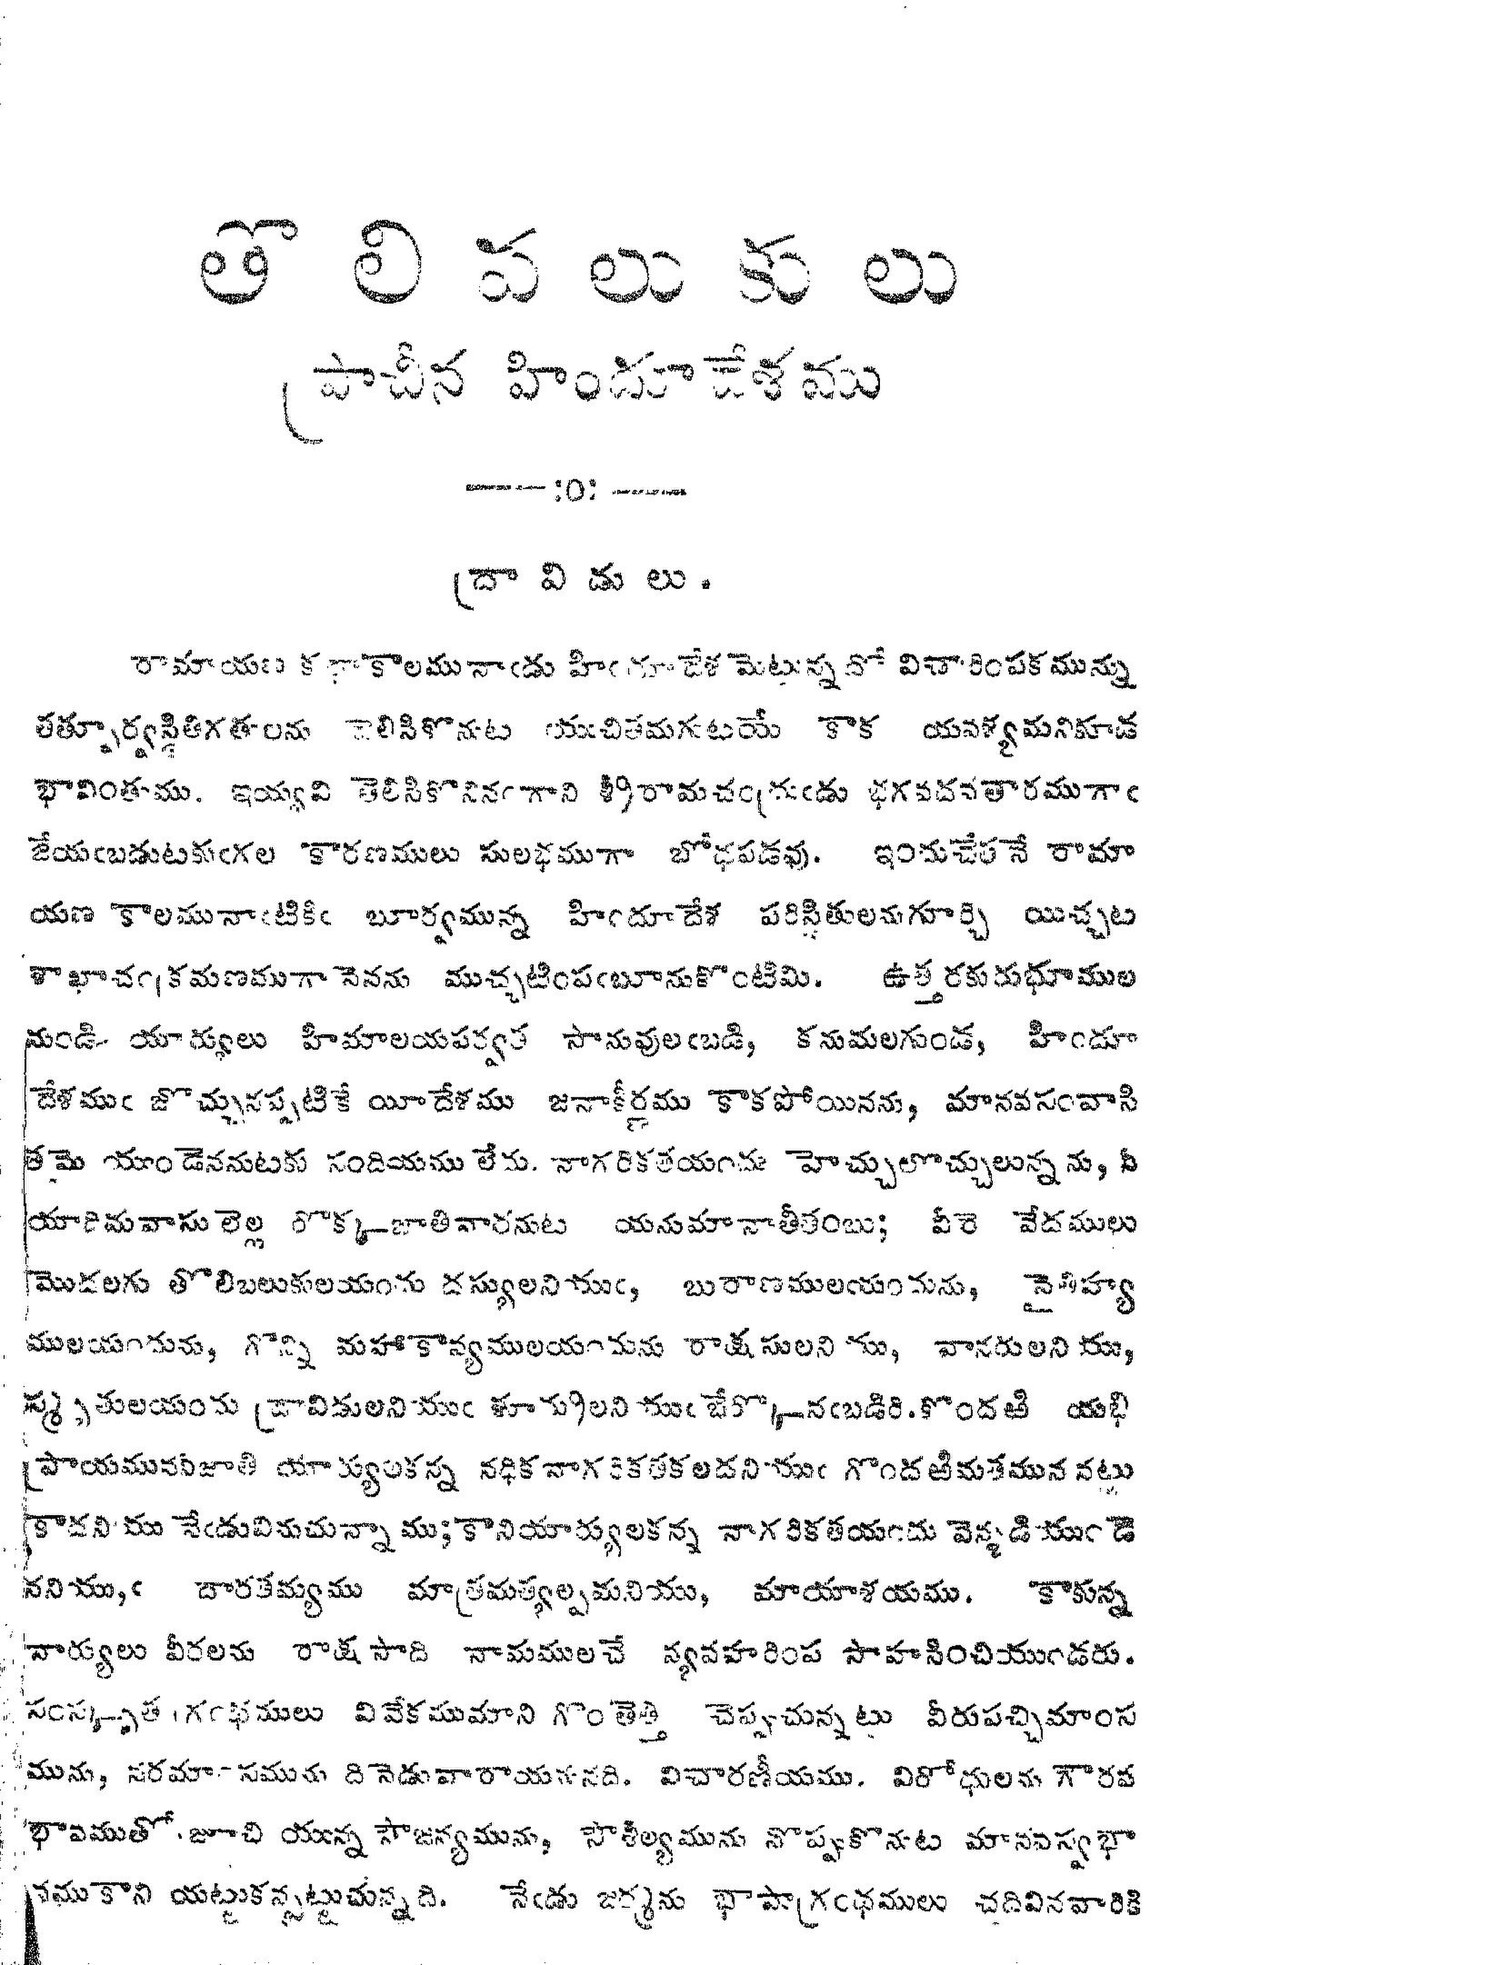రామాయణ కథాకాలమునాఁడు హిందూదేశమెట్లున్నదో విచారింపకమున్ను తత్పూర్వ స్థితిగతులను దెలిసికొనుట యుచితమగుటయే కాక యవశ్యమనికూడ భావింతుము. ఇయ్యవి తెలిసికొనినఁగాని శ్రీరామచంద్రుఁడు భగవదవతారముగాఁ జేయఁబడుటకుఁగల కారణములు సులభముగా బోధపడవు. ఇందుచేతనే రామాయణ కాలమునాఁటికిఁ బూర్వమున్న హిందూదేశ పరిస్థితులనుగూర్చి యిచ్చట శాఖాచంక్రమణముగా నైనను ముచ్చటింపఁ బూనుకొంటిమి. ఉత్తర కురుభూముల నుండి యార్యులు హిమాలయ పర్వత సానువులఁబడి, కనుమలగుండ, హిందూ దేశముఁ జొచ్చు నప్పటికే యీదేశము జనాకీర్ణము కాకపోయినను, మానవ సంవాసితమై యుండెననుటకు సందియము లేదు. నాగరికత యందు హెచ్చులొచ్చులున్నను, నీ యాదిమ వాసులెల్ల రొక్కజాతి వారనుట యనుమానాతీతంబు; వీరె వేదములు మొదలగు తొలిబలుకుల యందు దస్యులనియు, బురాణముల యందును, నైతిహ్యముల యందును, గొన్ని మహాకావ్యముల యందును రాక్షసులనియు, వానరులనియు, స్మృతుల యందు ద్రావిడులనియుఁ శూద్రులనియుఁ బేర్కొనబఁడిరి. కొందఱి యభిప్రాయముననీ జాతి యార్యులకన్న నధిక నాగరికత కలదనియుఁ గొందఱి మతమున నటుకాదనియు నేఁడు వినుచున్నాము; కాని యార్యులకన్న నాగరికత యందు వెన్నడి యుండె ననియుఁ, దారతమ్యము మాత్రమత్యల్ప మనియు, మాయాశయము. కాకున్న నార్యులు వీరలను రాక్షసాది నామములచే వ్యవహరింప సాహసించి యుండరు. సంస్కృత గ్రంథములు వివేకము మాని గొంతెత్తి చెప్పుచున్నట్టు వీరు పచ్చిమాంసమును, నరమాంసమును దినెడు వారాయనునది. విచారణీయము. విరోధులను గౌరవభావముతో జూచి యున్న సౌజన్యమును, సౌశీల్యమును నొప్పుకొనుట మానవ స్వభావముకాని యట్టు కన్పట్టుచున్నది. నేఁడు జర్మను భాషాగ్రంథములు చదివినవారికి